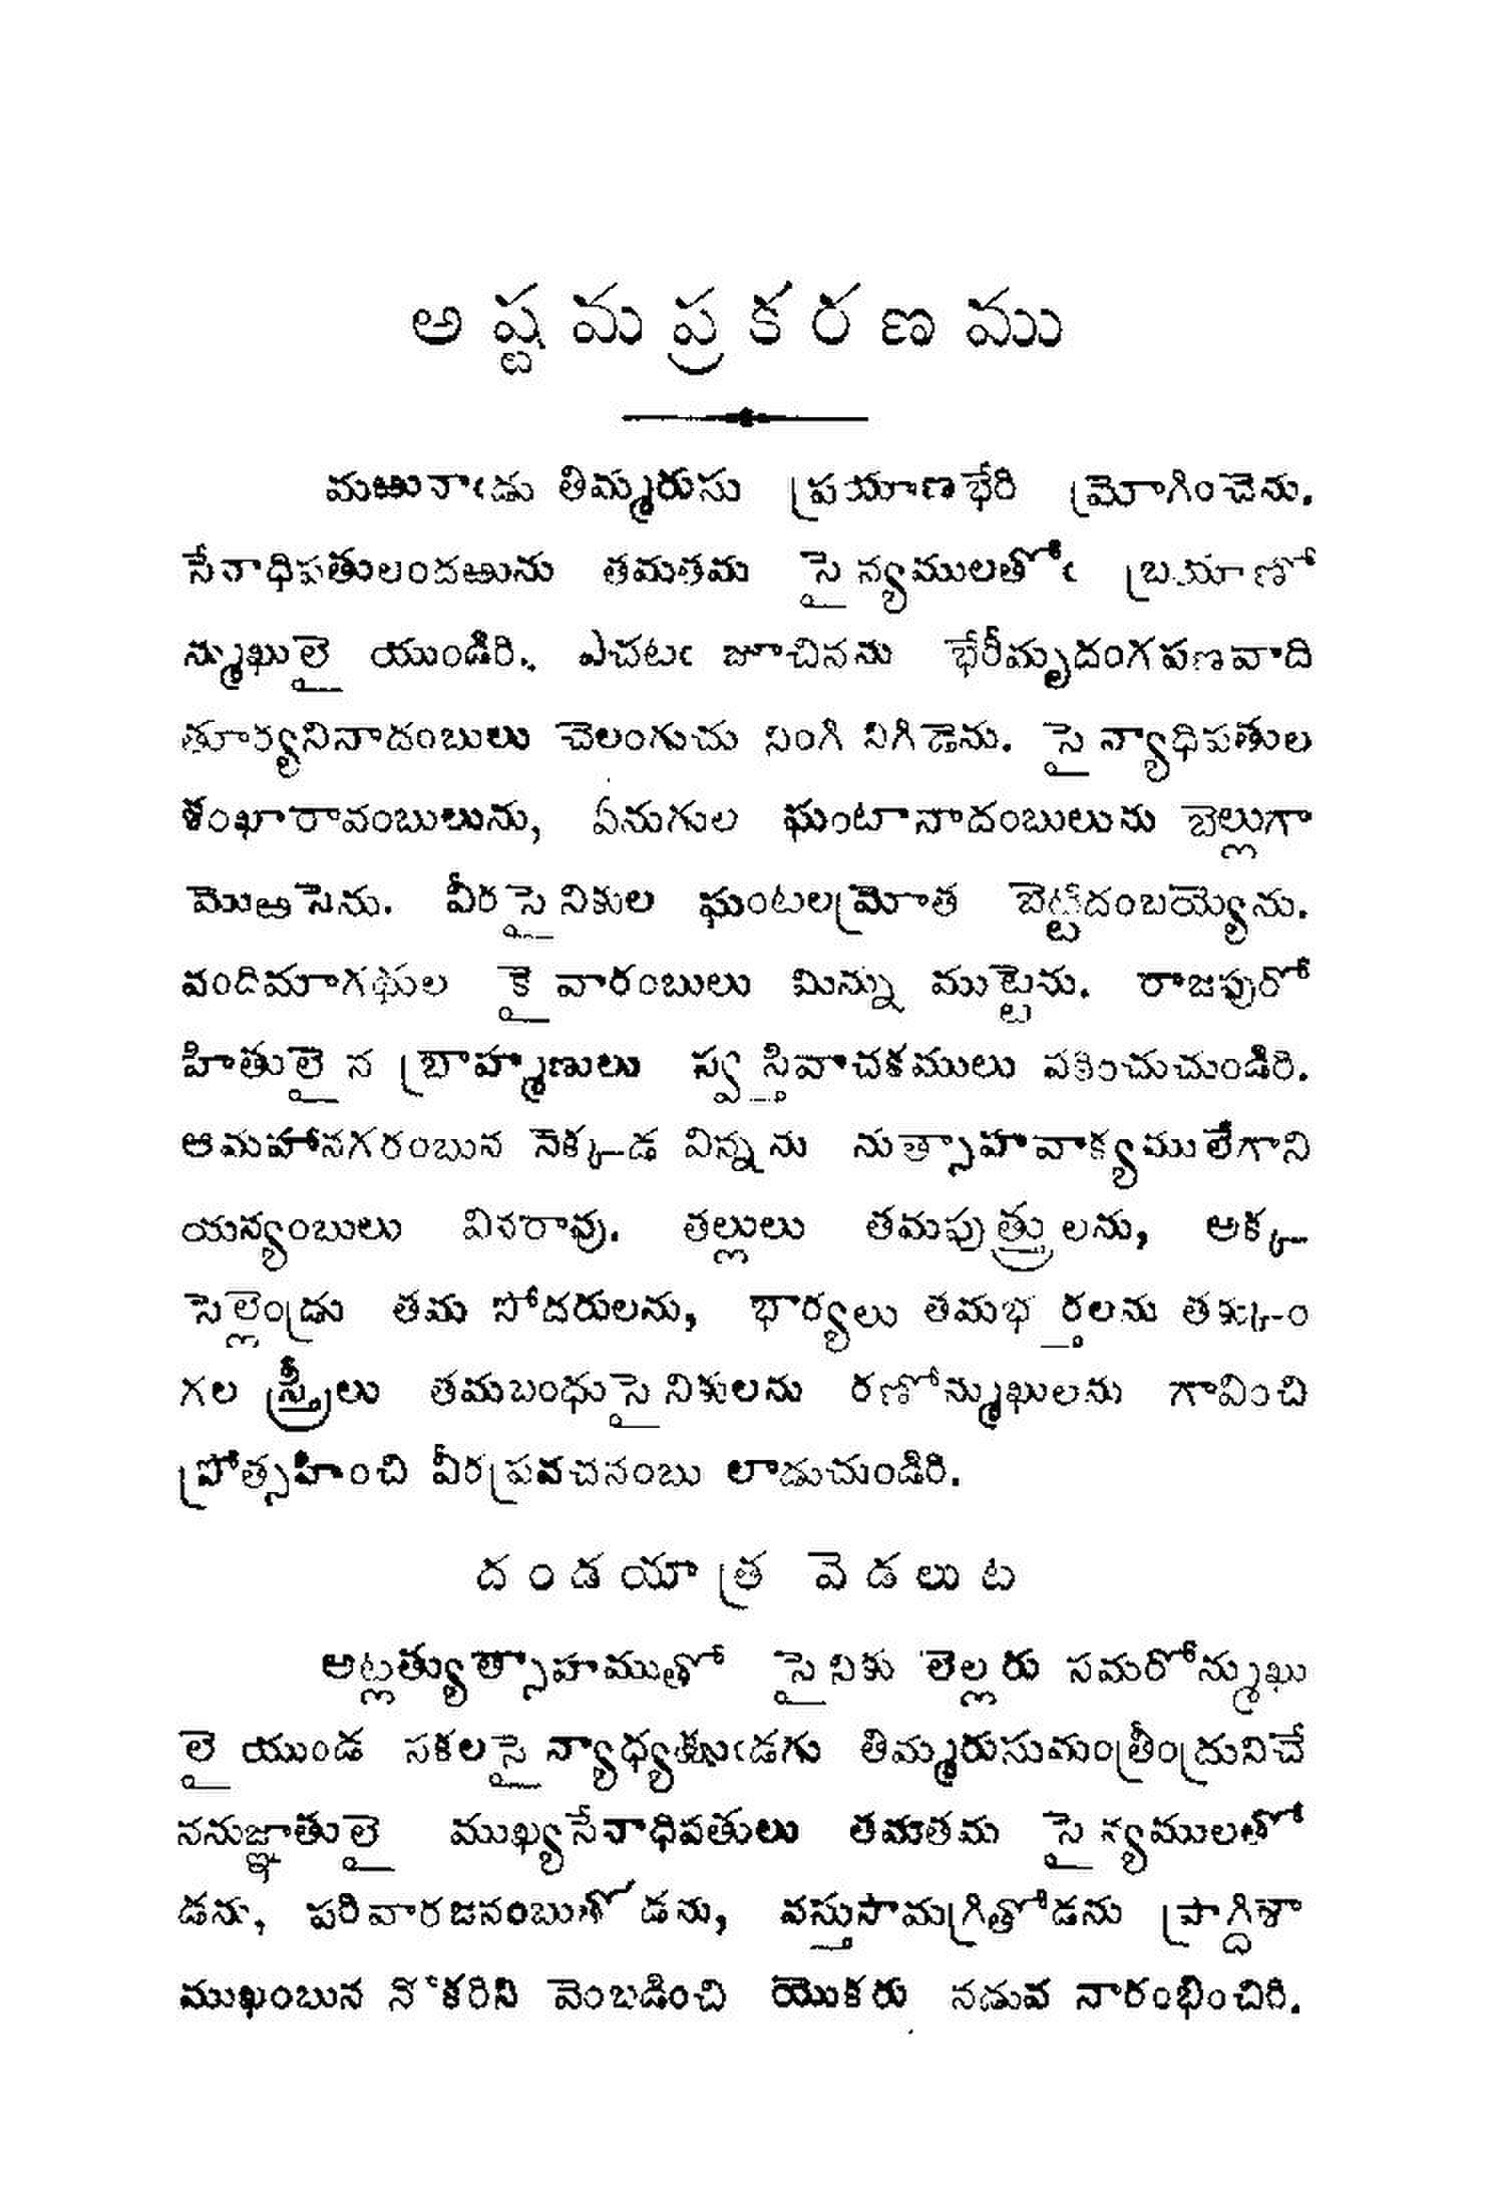అష్టమప్రకరణము

మఱునాఁడు తిమ్మరుసు ప్రయాణభేరి మ్రోగించెను. సేనాధిపతులందఱును తమతమ సైన్యములతోఁ బ్రయాణోన్ముఖులై యుండిరి. ఎచటఁ జూచినను భేరీమృదంగపణవాది తూర్యనినాదంబులు చెలంగుచు నింగి నిగిడెను. సైన్యాధిపతుల శంఖారావంబులును, ఏనుగుల ఘంటానాదంబులును బెల్లుగా మొఱసెను. వీరసైనికుల ఘంటలమ్రోత బెట్టిదంబయ్యెను. వందిమాగధుల కైవారంబులు మిన్ను ముట్టెను. రాజపురోహితులైన బ్రాహ్మణులు స్వస్తివాచకములు పఠించుచుండిరి. ఆమహానగరంబున నెక్కడ విన్నను నుత్సాహవాక్యములేగాని యన్యంబులు వినరావు. తల్లులు తమపుత్త్రులను, అక్క సెల్లెండ్రు తమ సోదరులను, భార్యలు తమభర్తలను తక్కుంగల స్త్రీలు తమబంధుసైనికులను రణోన్ముఖులను గావించి ప్రోత్సహించి వీరప్రవచనంబు లాడుచుండిరి.

దండయాత్ర వెడలుట 

అట్లత్యుత్సాహముతో సైనికు లెల్లరు సమరోన్ముఖులై యుండ సకలసైన్యాధ్యక్షుఁడగు తిమ్మరుసుమంత్రీంద్రునిచే ననుజ్ఞాతులై ముఖ్యసేనాధిపతులు తమతమ సైన్యములతోడను, పరివారజనంబుతోడను, వస్తుసామగ్రితోడను ప్రాగ్దిశా ముఖంబున నొకరిని వెంబడించి యొకరు నడువ నారంభించిరి.